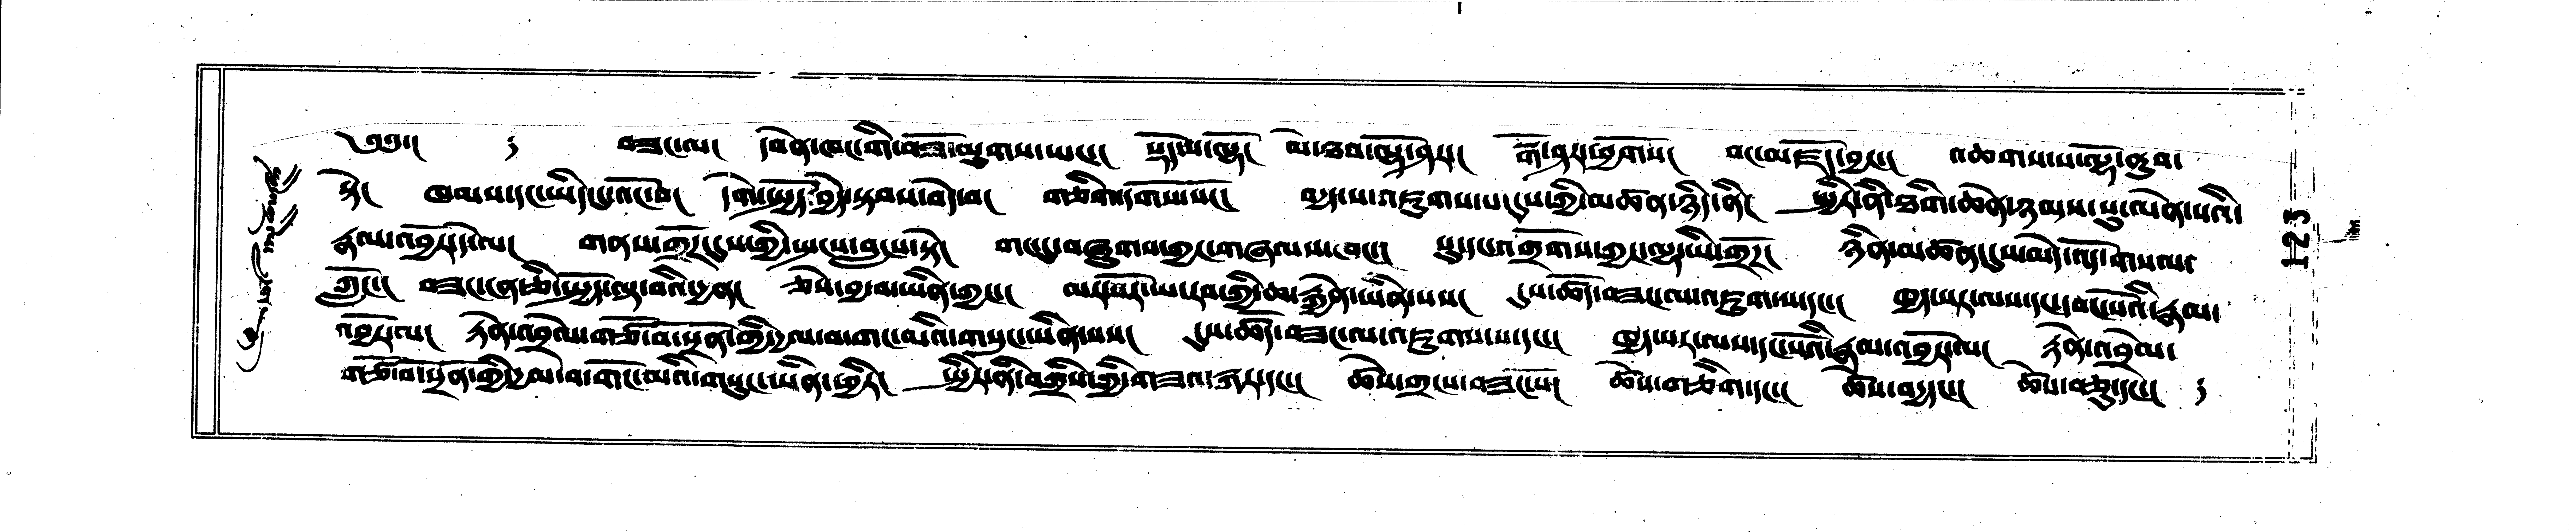བཟང་ལ། དབེན་ཁང་གི་བཟོ་ལུགས་ཡང་། སྡོད་ས་ལྷོ། མེ་ཐབ་ལྷོ་ཤར། སྒོ་ཤར་ཕྱོགས། བང་མཛོད་བྱང་། འཆགས་ས་ལྷོ་ནུབ་
སྟེ། ཁམས་དང་ཡིད་དུ་འོང་བ། དགེ་སྤྱོད་བྱེད་སྟབས་བདེ་བ། གཅིག་དགོས་སོ། །བརྒྱད་པ་འཇུག་པ་དུས་ཀྱི་མཚན་ཉིད་ནི། སྤྱིར་ནི་ཐེག་ཆེན་ཉམས་སུ་ལེན་པའི་
རྣལ་འབྱོར་དེ་ལ། གནས་གྲོགས་དུས་ཀྱི་སྤང་བླངས་སྟེ། གང་དུ་བཞུགས་ཀྱང་གཞལ་ཡས་ཁང་། སུ་དང་འགྲོགས་ཀྱང་ལྷའི་གྲོགས། ཉིན་མཚན་དུས་མེད་འོད་གསལ་
ཀློང་། བཟང་ངན་ཅི་སྤྱོད་ལྟ་བའི་རྒྱན། ཅེས་བྱ་བ་ཡིན་ཀྱང་། མར་བོར་ཡ་རབས་ཀྱི་ཆ་རྐྱེན་ཡིན་པས། དུས་ཚོད་བཟང་ལ་འཇུག་པ་དང་། ཁྱད་པར་ལས་དང་དབང་པོའི་རྣལ་
འབྱོར་ལ། རྟེན་འབྲེལ་གཙོ་བ་སྔོན་གྱི་རྒྱལ་བ་གོང་མའི་གསུང་ཡིན་ཕྱིར། སྤྱིར་ནི་བཀྲ་ཤིས་ཀྱི་གཟའ་སྐར་དང་། ཚེས་གྲངས་བཟང་པོ། ཚེས་གཅིག་དང་། ཚེས་བརྒྱུད་དང་། ཚེས་བཅུ་དང་།